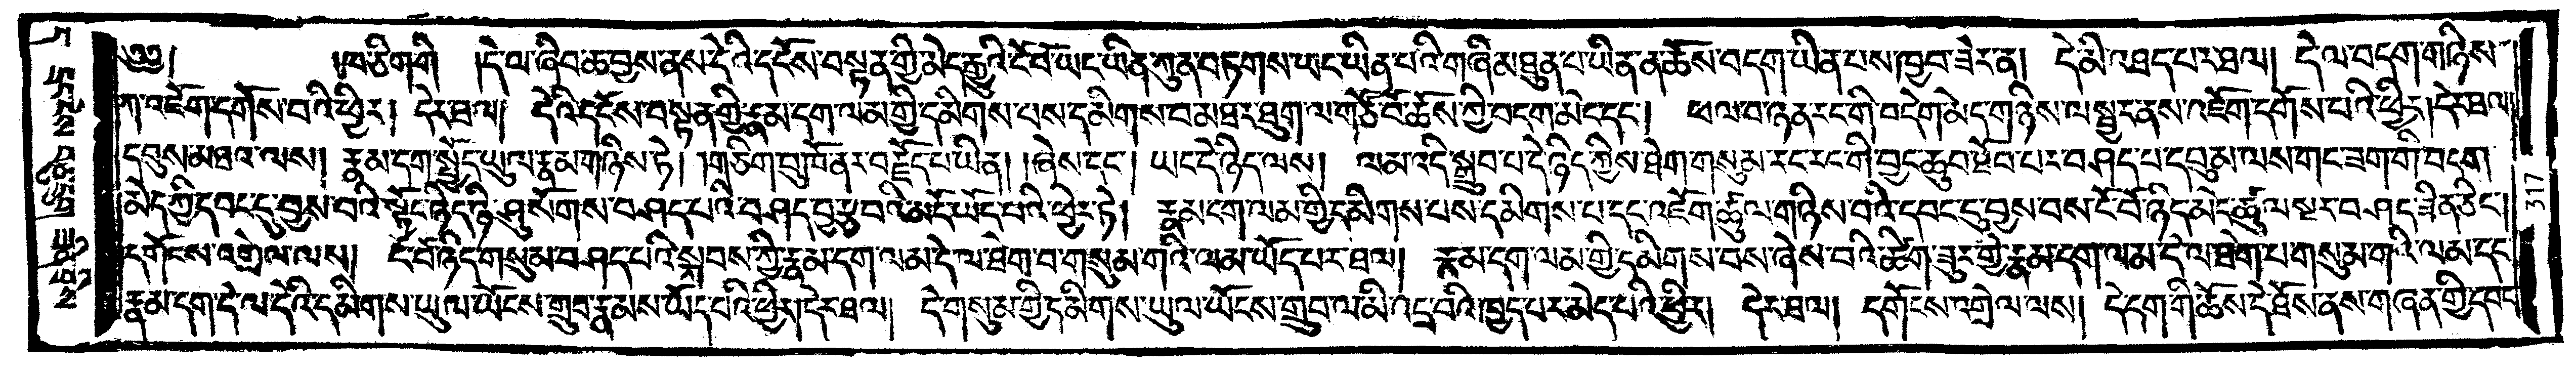༄༅། །ཁ་ཅིག་གི །དེ་ལ་ཞིབ་ཆ་བྱས་ནས་དེའི་དངོས་བསྟན་གྱི་མེད་རྒྱུའི་ངོ་བོ་ཡང་ཡིན་ཀུན་བཏགས་ཡང་ཡིན་པའི་གཞི་མཐུན་པ་ཡིན་ན་ཆོས་བདག་ཡིན་པས་ཁྱབ་ཟེར་ན། དེ་མི་འཐད་པར་ཐལ། དེ་ལ་བདག་གཉིས་
ཀ་འཇོག་དགོས་པའི་ཕྱིར། དེར་ཐལ། དེའི་དངོས་བསྟན་གྱི་རྣམ་དག་ལམ་གྱི་དམིགས་པས་དམིགས་པ་མཐར་ཐུག་ལ་གཙོ་བོ་ཆོས་ཀྱི་བདག་མེད་དང་། ཕལ་བ་ཉན་རང་གི་བདག་མེད་གཉིས་ལ་སྦྱར་ནས་འཇོག་དགོས་པའི་ཕྱིར། དེར་ཐལ།
དབུས་མཐའ་ལས། རྣམ་དག་སྤྱོད་ཡུལ་རྣམ་གཉིས་ཏེ། །གཅིག་བུ་ཁོ་ནར་བརྗོད་པ་ཡིན། །ཞེས་དང་། ཡང་དེ་ཉིད་ལས། ལམ་འདི་སྒྲུབ་པ་དེ་ཉིད་ཀྱིས་ཐེག་གསུམ་རང་རང་གི་བྱང་ཆུབ་ཐོབ་པར་བཤད་པ་དབུ་མ་ལས་གང་ཟག་གི་བདག་
མེད་ཀྱི་དབང་དུ་བྱས་པའི་སྟོང་ཉིད་ཉི་ཤུ་སོགས་བཤད་པའི་བཤད་བྱ་རྩ་བའི་མདོ་ཡོད་པའི་ཕྱིར་ཏེ། རྣམ་དག་ལམ་གྱི་དམིགས་པས་དམིགས་པ་དང་འཇོག་ཚུལ་གཉིས་པའི་དབང་དུ་བྱས་བས་ངོ་བོ་ཉིད་མེད་ཚུལ་སྔར་བཤད་ཟིན་ཅིང་།
དགོངས་འགྲེལ་ལས། ངོ་བོ་ཉིད་གསུམ་བཤད་པའི་སྐབས་ཀྱི་རྣམ་དག་ལམ་དེ་ལ་ཐེག་པ་གསུམ་གའི་ལམ་ཡོད་པར་ཐལ། རྣམ་དག་ལམ་གྱི་དམིགས་པས་ཞེས་པའི་ཚིག་ཟུར་གྱི་རྣམ་དག་ལམ་དེ་ལ་ཐེག་པ་གསུམ་གའི་ལམ་དང་
རྣམ་དག་དེ་ལ་དེའི་དམིགས་ཡུལ་ཡོངས་གྲུབ་རྣམས་ཡོད་པའི་ཕྱིར། དེར་ཐལ། དེ་གསུམ་གྱི་དམིགས་ཡུལ་ཡོངས་གྲུབ་ལ་མི་འདྲ་བའི་ཁྱད་པར་མེད་པའི་ཕྱིར། དེར་ཐལ། དགོངས་འགྲེལ་ལས། དེ་དག་གི་ཆོས་དེ་ཐོས་ནས་གཞན་གྱི་དབང་